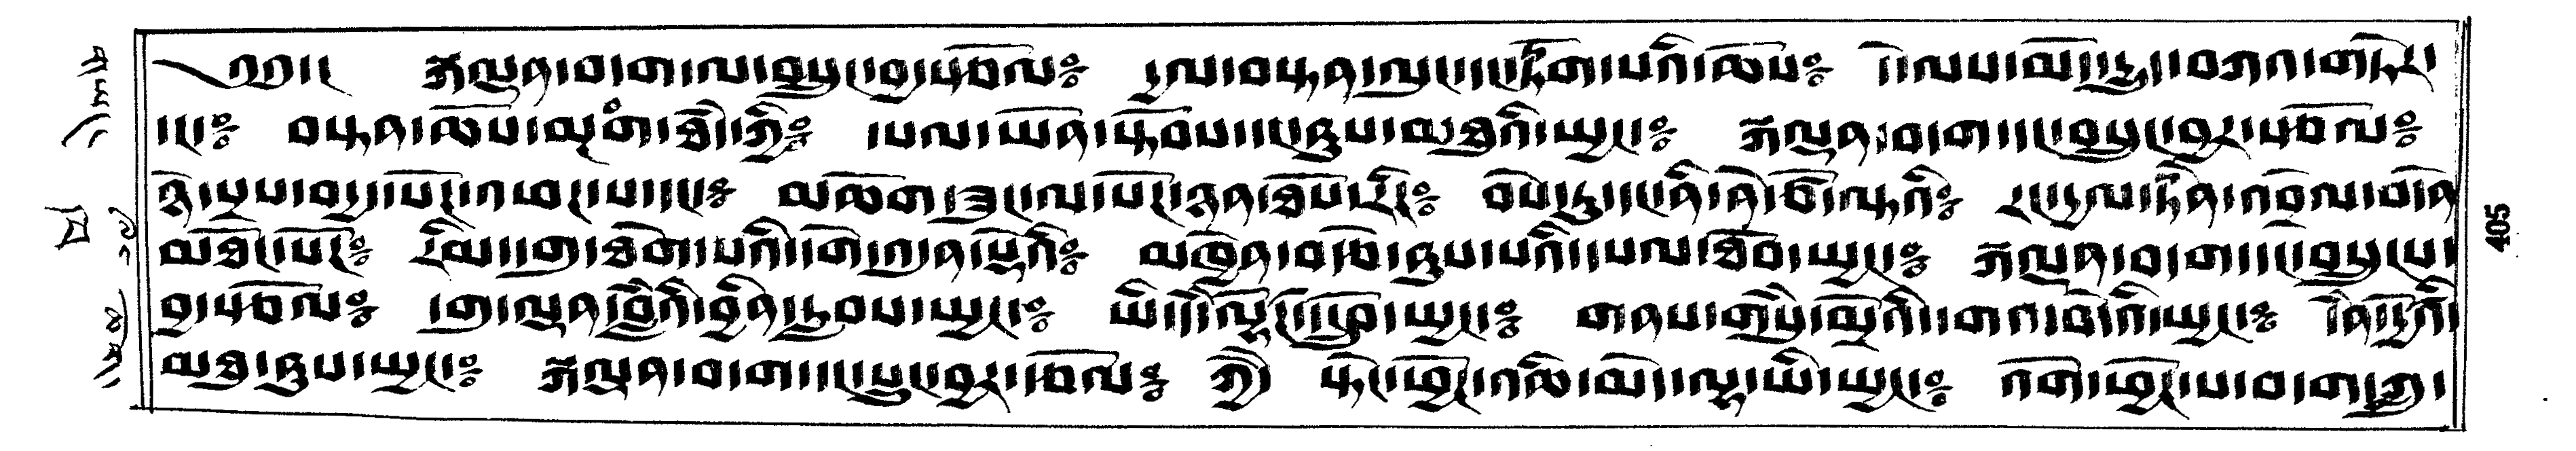སྐལ་ལྡན་བདག་ལ་སྲུང་བྱར་སྩོལ༔ རྒྱལ་བསྟན་ལུང་དང་རྟོགས་པའི་ཆོས༔ དེ་ལས་མདོ་རྒྱུད་བཀའ་གཏེར་
དང༔ བསྟན་ཆོས་མན་ངག་ཐམས་ཅད་ཀྱི༔ དཔལ་ཡོན་སྟོབས་དང་ནུས་མཐུའི་གཡང༔ སྐལ་ལྡན་བདག་དང་སྲུང་བྱར་སྩོལ༔ 
ཉེ་སྲས་བརྒྱད་སོགས་འཕགས་པ་དང༔ མཆོག་ཟུང་ལ་སོགས་ཉན་ཐོས་རིགས༔ བསེ་རུ་དང་ནི་ནེ་ཙོ་ལྟའི༔རང་རྒྱལ་རྟེནའབྲེལ་བདེན་
མཐོང་སོགས༔ རིམ་དགུ་ཐེག་པའི་དགེ་འདུན་སྡེའི༔ མཁྱེན་བརྩེ་ནུས་པའི་དཔལ་ཐོབ་གཡང༔ སྐལ་ལྡན་བདག་དང་སྲུང་
བྱར་སྩོལ༔ དགུ་ལྡན་བླ་མའི་བྱིན་རླབས་གཡང༔ ཡི་དམ་ལྷ་ཚོགས་དངོས་གྲུབ་གཡང༔ གནས་གསུམ་མཁའ་འགྲོའི་དགའ་བདེའི་གཡང༔ དམ་ཅན་རྒྱ་མཚོའི་
མཐུ་ནུས་གཡང༔ སྐལ་ལྡན་བདག་དང་སྲུང་བྱར་སྩོལ༔ ཀྱཻ༔ སྟེང་ཕྱོགས་འཆི་མེད་ལྷ་ཡི་གཡང༔ འོག་ཕྱོགས་ས་བདག་ཀླུ་